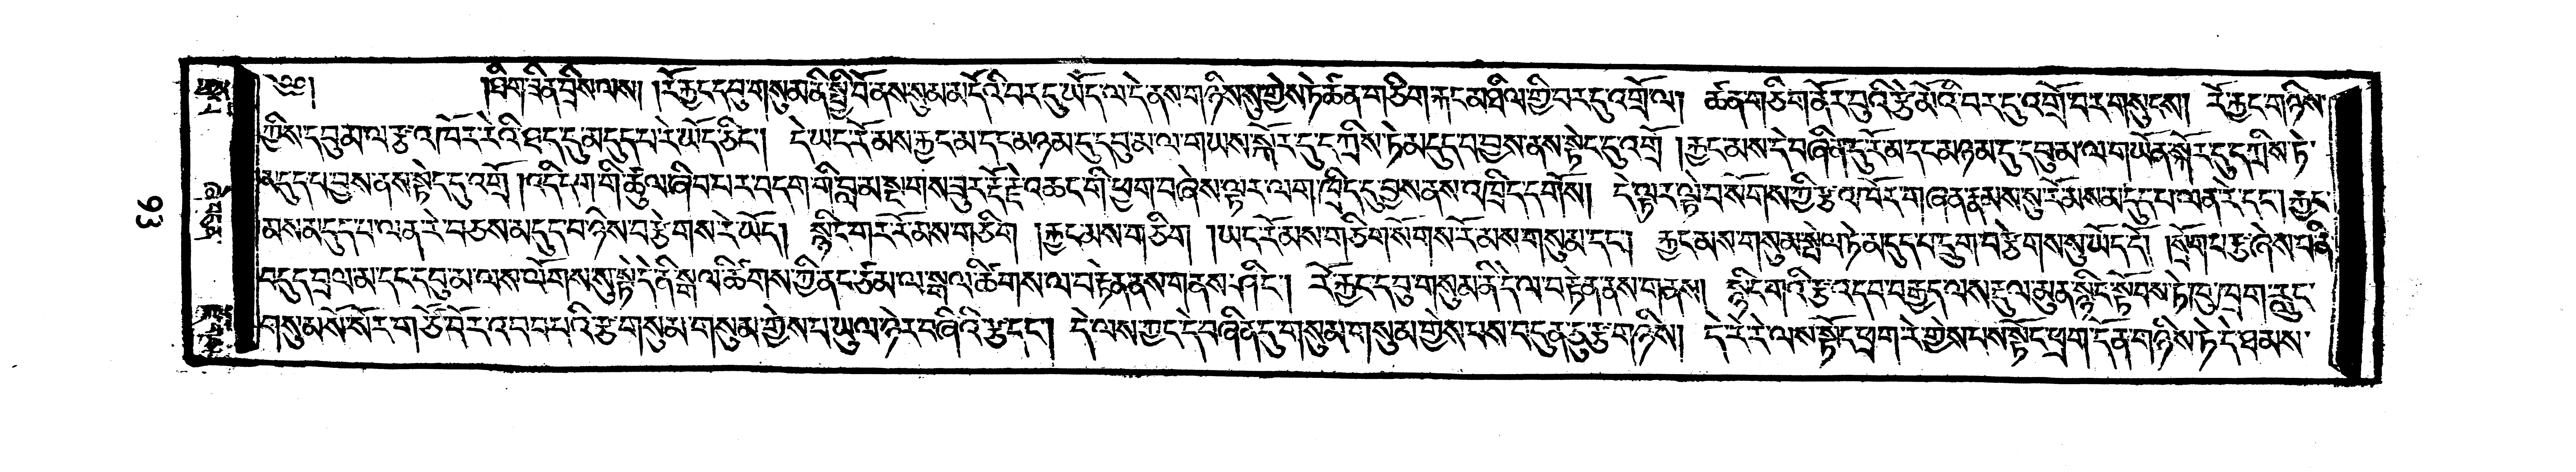༄༅། །ཐིག་ཟིན་བྲིས་ལས། རོ་རྐྱང་དབུ་གསུམ་ནི་སྤྱི་བོ་ནས་སུམ་མདོའི་བར་དུ་ཡོད་ལ་དེ་ནས་གཉིས་སུ་གྱེས་ཏེ་ཚན་གཅིག་རྐང་མཐིལ་གྱི་བར་དུ་འགྲོ་ལ། ཚན་གཅིག་ནོར་བུའི་རྩེ་མོའི་བར་དུ་འགྲོ་བར་གསུངས། རོ་རྐྱང་གཉིས་
ཀྱིས་དབུ་མ་ལ་རྩ་འཁོར་རེའི་ཐད་དུ་མདུད་པ་རེ་ཡོད་ཅིང་། དེ་ཡང་རོ་མས་རྐྱང་མ་དང་མཉམ་དུ་དབུ་མ་ལ་གཡས་སྐོར་དུ་དཀྲིས་ཏེ་མདུད་པ་བྱས་ནས་སྟེང་དུ་འགྲོ། རྐྱང་མས་དེ་བཞིན་དུ་རོ་མ་དང་མཉམ་དུ་དབུ་མ་ལ་གཡོན་སྐོར་དུ་དགྲིས་ཏེ་
མདུད་པ་བྱས་ནས་སྟེང་དུ་འགྲོ། འདི་དག་གི་ཚུལ་ཞིབ་བར་བདག་གི་བླ་མ་སྔགས་ཟུར་རྡོ་རྗེའི་འཆང་གི་ཕྱག་བཞེས་ལྟར་ལག་ཁྲིད་དུ་བྱས་ནས་འཁྲིད་དགོས། དེ་ལྟར་ལྟེ་བ་སོགས་ཀྱི་རྩ་འཁོར་གཞན་རྣམས་སུ་རོ་མས་མདུད་པ་ལན་རེ་དང་། རྐྱང་
མས་མདུད་པ་ལན་རེ་བཅས་མདུད་པ་ཉིས་བརྩེགས་རེ་ཡོད། སྙིང་གར་རོ་མས་གཅིག །རྐྱང་མས་གཅིག །ཡང་རོ་མས་གཅིག་སོགས་རོ་མས་གསུམ་དང་། རྐྱང་མས་གསུམ་སྤེལ་ཏེ་མདུད་པ་དྲུག་བརྩེགས་སུ་ཡོད་དོ། །སྲོག་པ་རྩ་ཞེས་པ་ནི་
བདུད་བྲལ་མ་དང་དབུ་མ་ལས་ལོགས་སུ་སྟེ་དེ་ནི་སྒལ་ཚིགས་ཀྱི་ནང་ཙམ་ལ་སྒལ་ཚིགས་ལ་བརྟེན་ནས་གནས་ཤིང་། རོ་རྐྱང་དབུ་གསུམ་ནི་དེ་ལ་བརྟེན་ནས་གནས། སྙིང་གའི་རྩ་འདབ་བརྒྱད་ལས་རྡུལ་མུན་སྙིང་སྟོབས་ཏ་ཁུ་ཁྲག་རླུང་
གསུམ་སོ་སོར་གཙོ་བོར་འབབ་པའི་རྩ་གསུམ་གསུམ་གྱེས་པ་ཡུལ་ཉེར་བཞིའི་རྩ་དང་། དེ་ལས་ཀྱང་དེ་བཞིན་དུ་གསུམ་གསུམ་གྱེས་པས་བདུན་ཅུ་རྩ་གཉིས། དེ་རེ་རེ་ལས་སྟོང་ཕྲག་རེ་གྱེས་པས་སྟོང་ཕྲག་དོན་གཉིས་ཏེ་དེ་ཐམས་